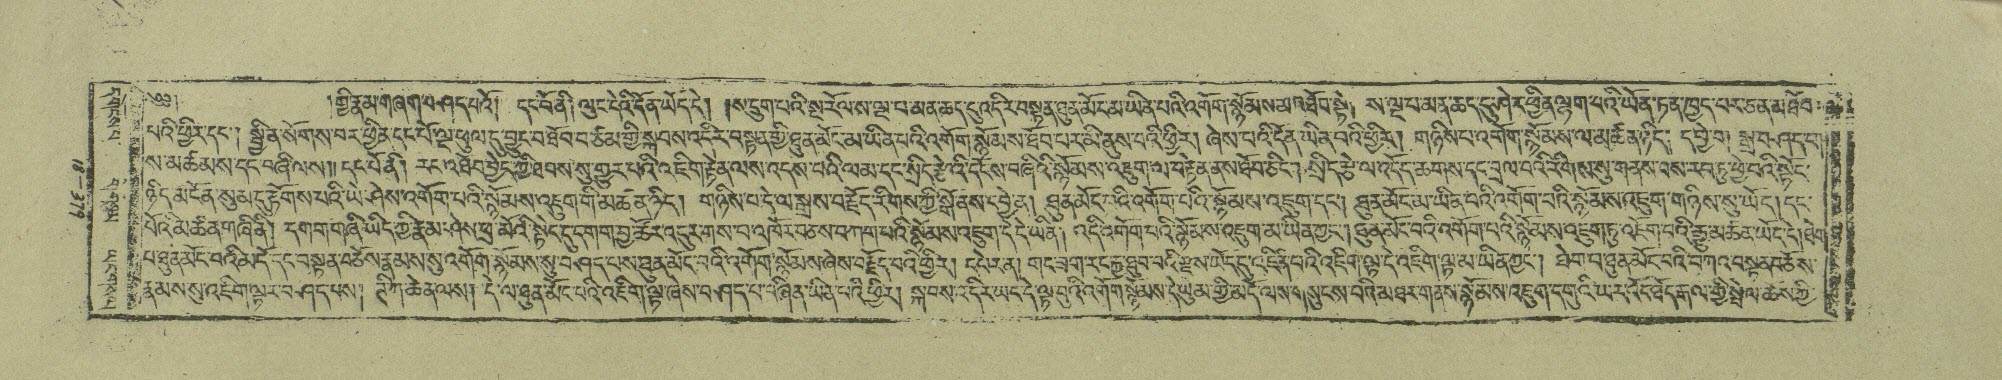༄༅། །ཀྱི་རྣམ་གཞག་བཤད་པའོ། །དང་པོ་ནི། ལུང་དེའི་དོན་ཡོད་དེ། །ས་དྲུག་པའི་སྔ་རོལ་ས་ལྔ་པ་མན་ཆད་དུ་འདིར་བསྟན་ཐུན་མོང་མ་ཡིན་པའི་འགོག་སྙོམས་མ་འཐོབ་སྟེ། ས་ལྔ་པ་མན་ཆད་དུ་ཤེར་ཕྱིན་ལྷག་པའི་ཡོན་ཏན་ཁྱད་པར་ཅན་མ་ཐོབ་
པའི་ཕྱིར་དང་། སྦྱིན་སོགས་ཕར་ཕྱིན་དང་པོ་ལྔ་ཕུལ་དུ་བྱུང་བ་ཐོབ་པ་ཙམ་གྱི་སྐབས་འདིར་བསྟན་གྱི་ཐུན་མོང་མ་ཡིན་པའི་འགོག་སྙོམས་ཐོབ་པར་མི་ནུས་པའི་ཕྱིར། ཞེས་པའི་དོན་ཡིན་པའི་ཕྱིར། གཉིས་པ་འགོག་སྙོམས་ལ་མཚན་ཉིད། དབྱེ་བ། སྒྲ་བཤད་བ་
ས་མཚམས་དང་བཞི་ལས། དང་པོ་ནི། རང་འཐོབ་བྱེད་ཀྱི་ཐབས་སུ་གྱུར་བའི་འཇིག་རྟེན་ལས་འདས་པའི་ལམ་དང་སྲིད་རྩེའི་དངོས་བཞིའི་སྙོམས་འཇུག་ལ་བརྟེན་ནས་ཐོབ་ཅིང་། སྲིད་རྩེ་ལ་འདོད་ཆགས་དང་བྲལ་བའི་རིགས་སུ་གནས་པས་རབ་ཏུ་ཕྱེ་བའི་སྟོང་
ཉིད་མངོན་སུམ་དུ་རྟོགས་པའི་ཡེ་ཤེས་འགོག་པའི་སྙོམས་འཇུག་གི་མཚན་ཉིད། གཉིས་པ་དེ་ལ་སྒྲས་བརྗོད་རིགས་ཀྱི་སྒོ་ནས་དབྱེ་ན། ཐུན་མོང་པའི་འགོག་པའི་སྙོམས་འཇུག་དང་། ཐུན་མོང་མ་ཡིན་པའི་འགོག་པའི་སྙོམས་འཇུག་གཉིས་སུ་ཡོད། དང་
པོའི་མཚན་གཞི་ནི། དགག་གཞི་ཡིད་ཀྱི་རྣམ་ཤེས་ཕྲ་མོའི་སྟེང་དུ་དགག་བྱ་ཚོར་འདུར་གས་པ་འཁོར་བཅས་བཀག་པའི་སྙོམས་འཇུག་དེ་དེ་ཡིན། འདི་འགོག་པའི་སྙོམས་འཇུག་མ་ཡིན་ཀྱང་། ཐུན་མོང་པའི་འགོག་པའི་སྙོམས་འཇུག་ཏུ་འཇོག་པའི་རྒྱུ་མཚན་ཡོད་དེ། ཐེ་
པ་ཐུན་མོང་བའི་མདོ་དང་བསྟན་བཅོས་རྣམས་སུ་འགོག་སྙོམས་སུ་བཤད་པས་ཐུན་མོང་པའི་འགོག་སྙོམས་ཞེས་བརྗོད་པའི་ཕྱིར། དཔེར་ན། གང་ཟག་རང་རྐྱ་ཐུབ་པའི་རྫས་ཡོད་དུ་འཛིན་པའི་འཇིག་ལྟ་དེ་འཇིག་ལྟ་མ་ཡིན་ཀྱང་། ཐེག་པ་ཐུན་མོང་བའི་བཀའ་བསྟན་བཅོས་
རྣམས་སུ་འཇིག་ལྟར་བཤད་པས། ཊིཀ་ཆེན་ལས། དེ་ལ་ཐུན་མོང་བའི་འཇིག་ལྟ་ཞེས་བཤད་པ་བཞིན་ཡིན་པའི་ཕྱིར། སྐབས་འདིར་ཡང་དེ་ལྟ་བུའི་འགོག་སྙོམས་དེ་ཡུམ་གྱི་མདོ་ལས་གསུངས་པའི་མཐར་གནས་སྙོམས་འཇུག་དགུའི་ཡར་འོང་ཐོད་རྒལ་གྱི་སྤེལ་ཆོས་ཀྱི་